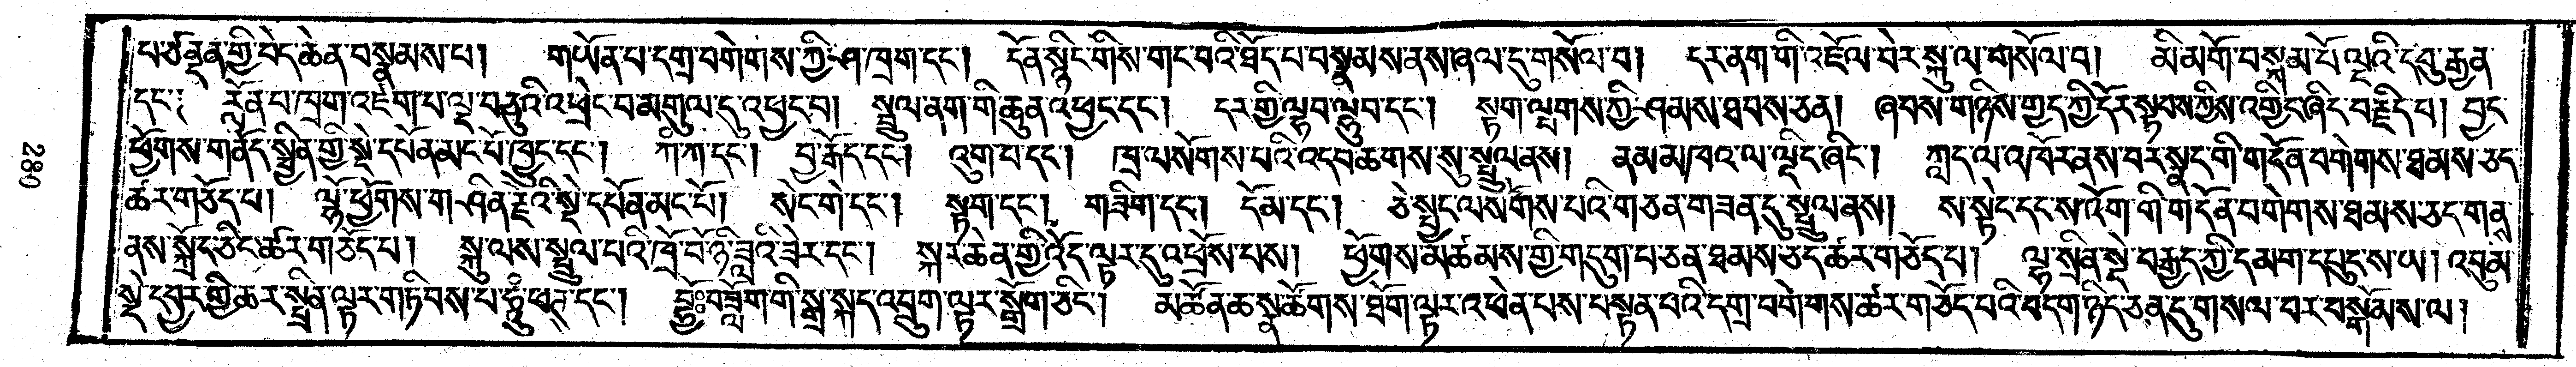པ་ཙནྡན་གྱི་བདེ་ཆེན་བསྣམས་པ། གཡོན་པ་དགྲ་བགེགས་ཀྱི་ཤ་ཁྲག་དང་། དོན་སྙིང་གིས་གང་བའི་ཐོད་པ་བསྣམས་ནས་ཞལ་དུ་གསོལ་བ། དར་ནག་གི་འཇོལ་བེར་སྐུ་ལ་གསོལ་བ། མི་མགོ་བསྐམ་པོ་ལྔའི་དབུ་རྒྱན་
དང༑ རློན་པ་ཁྲག་འཛག་པ་ལྔ་བཅུའི་འཕྲེང་བ་མགུལ་དུ་འཕྱང་བ། སྦྲུལ་ནག་གི་ཆུན་འཕྱང་དང་། དར་གྱི་ལྷབ་ལྷུབ་དང་། སྟག་ལྤགས་ཀྱི་ཤམས་ཐབས་ཅན། ཞབས་གཉིས་གྱད་ཀྱི་དོར་སྟབས་ཀྱིས་འགྱིང་ཞིང་བརྗིད་པ། བྱང་
ཕྱོགས་གནོད་སྦྱིན་གྱི་སྡེ་དཔོན་མང་པོ་ཁྱུང་དང་། ཀཾ་ཀ་དང་། བྱ་རྒོད་དང་། འུག་པ་དང་། ཁྲ་ལ་སོགས་པའི་འདབ་ཆགས་སུ་སྦྲུལ་ནས། ནམ་མཁའ་ལ་ལྡིང་ཞིང་། ཀླད་ལ་འཁོར་ནས་བར་སྣང་གི་གདོན་བགེགས་ཐམས་ཅད་
ཚར་གཅོད་པ། ལྷོ་ཕྱོགས་གཤིན་རྗེའི་སྡེ་དཔོན་མང་པོ། སེང་གེ་དང་། སྟག་དང་། གཟིག་དང་། དོམ་དང་། ཅེ་སྦྱང་ལ་སོགས་པའི་གཅན་གཟན་དུ་སྤྲུལ་ནས། ས་སྟེང་དང་ས་འོག་གི་གདོན་བགེགས་ཐམས་ཅད་གནས་
ནས་སྐྲོད་ཅིང་ཚར་གཅོད་པ། སྐུ་ལས་སྤྲུལ་པའི་ཁྲོ་བོ་ཉི་ཟླའི་ཟེར་དང་། སྐར་ཆེན་གྱི་འོད་ལྟར་དུ་འཕྲོས་པས། ཕྱོགས་མཚམས་གྱི་གདུག་པ་ཅན་ཐམས་ཅད་ཚར་གཅོད་པ། ལྷ་སྲིན་སྡེ་བརྒྱད་ཀྱི་དམག་དཔུང་ས་ཡ། འབུམ་
སྡེ་དབྱར་གྱི་ཆར་སྤྲིན་ལྟར་གཏིབས་པ་ཧཱུཾ་ཕཊ་དང་། བྷྱོཿ བཟློག་གི་སྒྲ་སྐད་འབྲུག་ལྟར་སྒྲོག་ཅིང་། མཚོན་ཆ་སྣ་ཚོགས་ཐོག་ལྟར་འཕེན་པས་བསྟན་པའི་དགྲ་བགེགས་ཚར་གཅོད་པའི་བདག་ཉིད་ཅན་དུ་གསལ་བར་བསྒོམས་ལ།